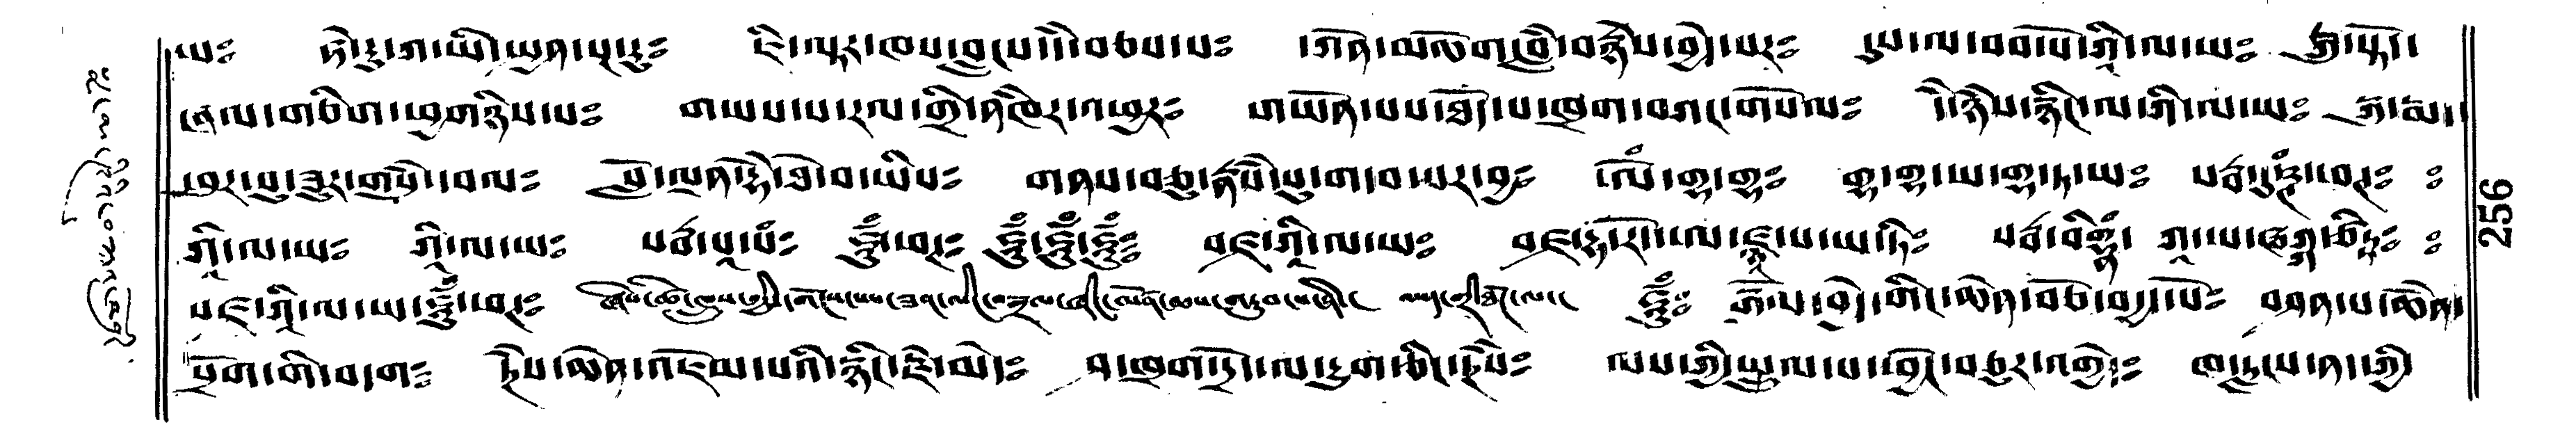ཡཿ ཧེ་རུ་ཀ་ཡི་སྤྱན་སྔ་རུཿ ཇི་ལྟར་ཁས་བླངས་དམ་བཅས་པཿ དཀོན་མཆོག་བླ་མ་བརྙེས་བྱེད་པརཿ དུས་ལ་བབ་པོ་ཀཱི་ལ་ཡཿ སྐུ་སྟོད་
ཞལ་གཅིག་ཕྱག་གཉིས་པཿ གཡས་པ་རལ་གྲི་ནམ་མཁར་འཕྱརཿ གཡོན་པས་ཐོད་པ་ཁྲག་བཀང་གསོལཿ དམ་ཉམས་སྙིང་ལ་ཀཱི་ལ་ཡཿ སྐུ་སྨད་
ཕུར་བུ་ཟུར་གསུམ་དབལཿ བློ་ལྡན་རྡོ་རྗེ་ཐོ་བ་ཡིསཿ གནས་བཅུ་རྣམས་སུ་གདབ་པར་བྱཿ ཨོཾ་གྷ་གྷཿ གྷ་ཏ་ཡ་གྷ་ཏ་ཡཿ སརྦ་དུཥྚན་མ་ར་ཡ་ཕཊཿ 
ཀཱི་ལ་ཡཿ ཀཱི་ལ་ཡཿ སརྦ་པཱ་པཾཿ ཧཱུྃ་ཕཊཿ ཧཱུྃ་ཧཱུྃ་ཧཱུྃ༔ བཛྲ་ཀཱི་ལ་ཡཿ བཛྲ་དྷ་རོད་ཨ་ཛྙཱ་པ་ཡ་ཏིཿ སརྦ་བིགྷྣནཿ ཀཱ་ཡ་ཝཀྐ་ཙིཏྟཿ 
བཛྲ་ཀཱི་ལ་ཡ་ཧཱུྃ་ཕཊཿ ཞེས་ཚེ་ཁྲུས་ཀྱི་དགོངས་པས་ཟན་ལིང་བསྒྲལ་ཞིང་མཚོན་ཆས་གཏུབ་པ་ནི། གསོད་གྲི་ཐོགས་ལ། ཧཱུྃཿ སྒྲོལ་བྱེད་གིང་ཆེན་བཅོ་བརྒྱད་པོཿ གཤན་པ་ཆེན་པོ་
སྲོག་གི་བདགཿ རྔམ་ཆེན་འཇོམས་པའི་སྙིང་རྗེ་མེདཿ ཤ་ཁྲག་དྲོད་ལ་རྒྱུག་ཅིང་རྔམཿ ལས་ཀྱི་སྤྲུལ་པ་ཕྱོགས་བཅུར་འགྱེདཿ ཁ་རླངས་ནད་ཀྱི་